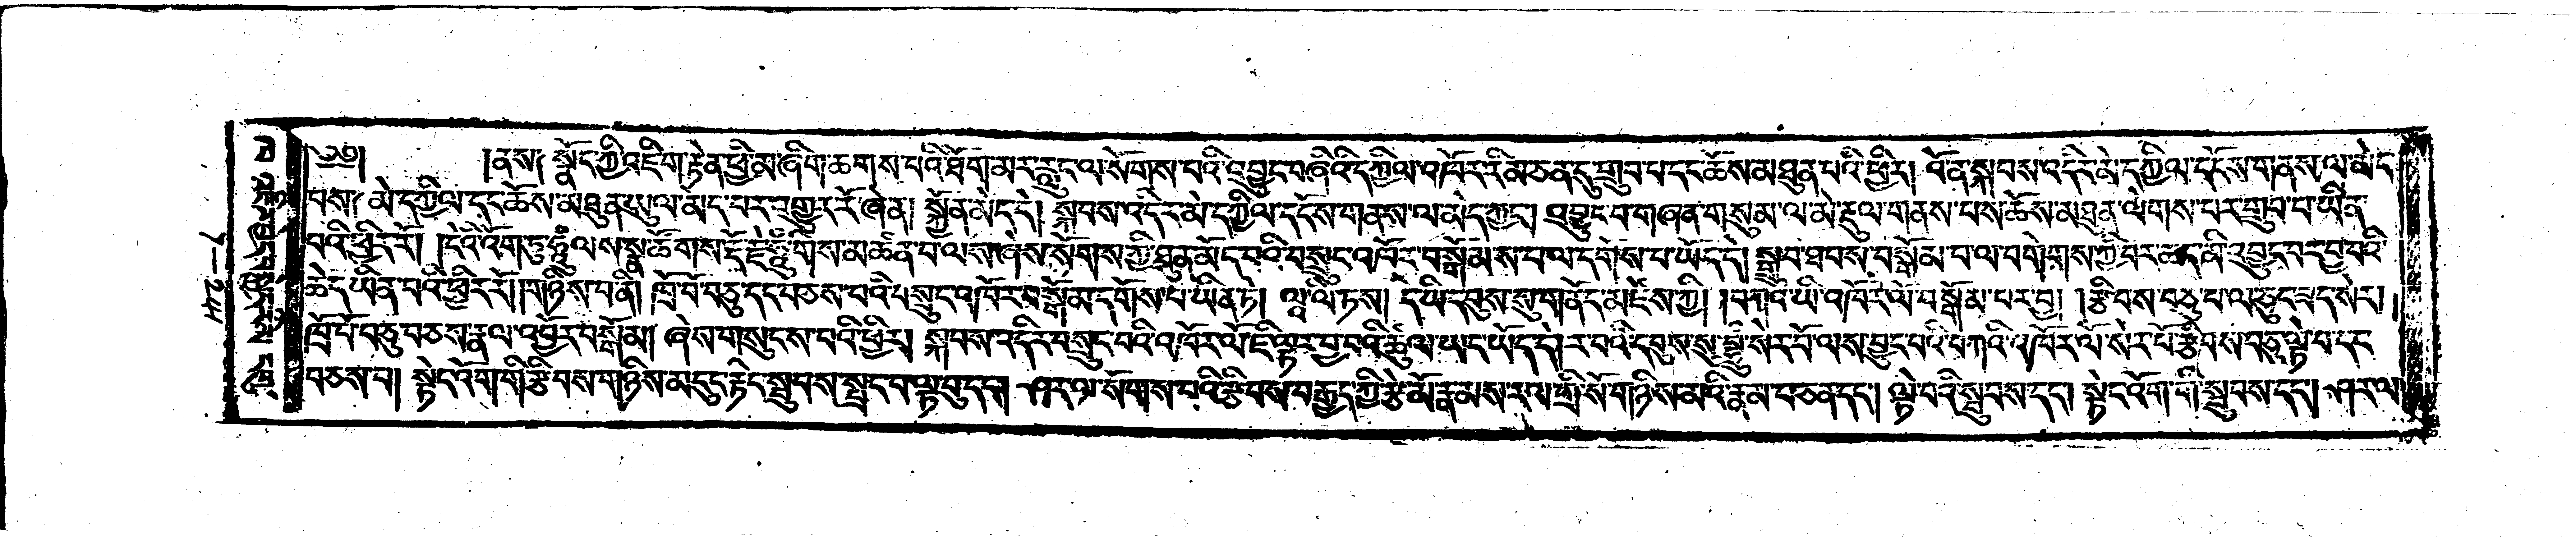༄༅། །ནས། སྣོད་ཀྱི་འཇིག་རྟེན་ཕྱི་མ་ཞིག་ཆགས་པའི་ཐོག་མར་རླུང་ལ་སོགས་པའི་འབྱུང་བཞིའི་དཀྱིལ་འཁོར་རིམ་ཅན་དུ་གྲུབ་པ་དང་ཆོས་མཐུན་པའི་ཕྱིར། འོ་ན་སྐབས་འདིར་མེ་དཀྱིལ་དངོས་གནས་ལ་ཡོད་
པས། མེ་དཀྱིལ་དང་ཆོས་མཐུན་ཡུལ་མེད་པར་འགྱུར་རོ་ཞེ་ན། སྐྱོན་མེད་དེ། སྐབས་འདིར་མེ་དཀྱིལ་དངོས་གནས་ལ་མེད་ཀྱང་། འབྱུང་བ་གཞན་གསུམ་ལ་མེ་རྡུལ་གནས་པས་ཆོས་མཐུན་ལེགས་པར་གྲུབ་པ་ཡིན་
པའི་ཕྱིར་རོ། །དེའི་འོག་ཏུ་ཧཱུཾ་ལས་སྣ་ཚོགས་རྡོ་རྗེ་ཧཱུཾ་གིས་མཚན་པ་ལས་ཞེས་སོགས་ཀྱི་ཐུན་མོང་བའི་བསྲུང་འཁོར་བསྒོམས་པ་ལ་དགོས་པ་ཡོད་དེ། སྒྲུབ་ཐབས་བསྒོམ་པ་ལ་བགེགས་ཀྱི་བར་ཆད་མི་འབྱུང་བར་བྱ་བའི་
ཆེད་ཡིན་པའི་ཕྱིར་རོ། །གཉིས་པ་ནི། ཁྲོ་བོ་བཅུ་དང་བཅས་པའི་བསྲུང་འཁོར་བསྒོམ་དགོས་པ་ཡིན་ཏེ། ལཱ་ལི་ཏས། དེ་ཡི་དབུས་སུ་གནོད་མཛེས་ཀྱི། །བཀའ་ཡི་འཁོར་ལོ་བསྒོམ་པར་བྱ། །རྩིབས་བཅུ་བ་ལ་ཅུང་ཟད་སེར།
ཁྲོ་བོ་བཅུ་བཅས་རྣལ་འབྱོར་བསྒོམ། ཞེས་གསུངས་པའི་ཕྱིར། སྐབས་འདིར་བསྲུང་བའི་འཁོར་ལོ་ཇི་ལྟར་བྱ་བའི་ཚུལ་ཡང་ཡོད་དེ། ར་བའི་དབུས་སུ་བྷྲུཾ་སེར་པོ་ལས་བྱུང་བའི་བཀའི་འཁོར་ལོ་སེར་པོ་རྩིབས་བཅུ་ལྟེ་བ་དང་
བཅས་པ། སྟེང་འོག་གི་རྩིབས་གཉིས་མདུང་རྟེང་སྦུབས་སྤྲད་པ་ལྟ་བུ་དང་། ཤར་ལ་སོགས་པའི་རྩིབས་བརྒྱུད་ཀྱི་རྩེ་མོ་རྣམས་རལ་གྲི་སོ་གཉིས་མའི་རྣམ་པ་ཅན་དང་། ལྟེ་བའི་སྦུབས་དང་། སྟེང་འོག་གི་སྦུབས་དང་། ཤར་ལ་